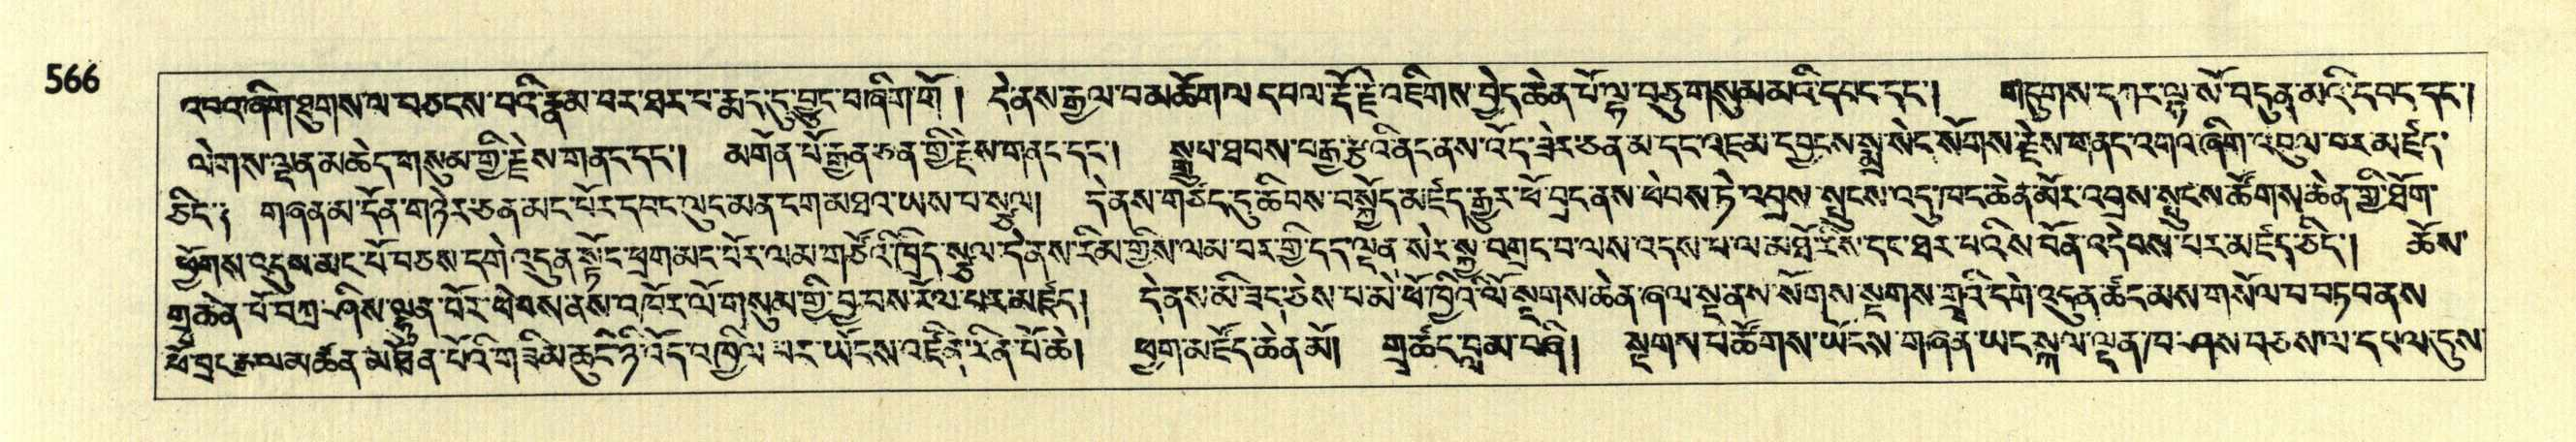འབའ་ཞིག་ཐུགས་ལ་བཅངས་པའི་རྣམ་བར་ཐར་པ་རྨད་དུ་བྱུང་བ་ཞིག་གོ། དེ་ནས་རྒྱལ་བ་མཆོག་ལ་དཔལ་རྡོ་རྗེ་འཇིགས་བྱེད་ཆེན་པོ་ལྷ་བཅུ་གསུམ་མའི་དབང་དང་། གདུགས་དཀར་ལྷ་སོ་བདུན་མའི་དབང་དང་།
ལེགས་ལྡན་མཆེད་གསུམ་གྱི་རྗེས་གནང་དང་། མགོན་པོ་རྒྱན་ཅན་གྱི་རྗེས་གནང་དང་། སྒྲུབ་ཐབས་བརྒྱ་རྩའི་ནང་ནས་འོད་ཟེར་ཅན་མ་དང་འཇམ་དབྱངས་སྨྲ་སེང་སོགས་རྗེས་གནང་འགའ་ཞིག་འབུལ་བར་མཛད་
ཅིང༑ གཞན་མ་དོན་གཉེར་ཅན་མང་པོར་དབང་ལུང་མན་ངག་མཐའ་ཡས་པ་སྩལ། དེ་ནས་གཙང་དུ་ཆིབས་བསྐྱོད་མཛད་རྒྱུར་ཕོ་བྲང་ནས་ཕེབས་ཏེ་འབྲས་སྤུངས་འདུ་ཁང་ཆེན་མོར་འབྲས་སྤུངས་ཚོགས་ཆེན་གྱི་ཐོག་
ཕྱོགས་འདུས་མང་པོ་བཅས་དགེ་འདུན་སྟོང་ཕྲག་མང་པོར་ལམ་གཙོའི་ཁྲིད་སྩལ་དེ་ནས་རིམ་གྱིས་ལམ་བར་གྱི་དད་ལྡན་སེར་སྐྱ་བགྲང་བ་ལས་འདས་པ་ལ་མཐོ་རིས་དང་ཐར་པའི་ས་བོན་འདེབས་པར་མཛད་ཅིང་། ཆོས་
གྲྭ་ཆེན་པོ་བཀྲ་ཤིས་ལྷུན་པོར་ཕེབས་ནས་འཁོར་ལོ་གསུམ་གྱི་བྱ་བས་རོལ་པར་མཛད། དེ་ནས་མི་ཟད་ཅེས་པ་མེ་ཕོ་ཁྱིའི་ལོ་སྔགས་ཆེན་ཞལ་སྔ་ནས་སོགས་སྔགས་གྲྭའི་དགེ་འདུན་ཚང་མས་གསོལ་བ་བཏབ་ནས་
ཕོ་བྲང་རྒྱལ་མཚན་མཐོན་པོའི་གཟིམ་ཆུང་ཉི་འོད་འཁྱིལ་བར་ཡོངས་འཛིན་རིན་པོ་ཆེ། ཕྱག་མཛོད་ཆེན་མོ། གྲྭ་ཚང་བླ་མ་བཞི། སྔགས་པ་ཚོགས་ཡོངས་གཞན་ཡང་སྐལ་ལྡན་ཁ་ཤས་བཅས་ལ་དཔལ་དུས་